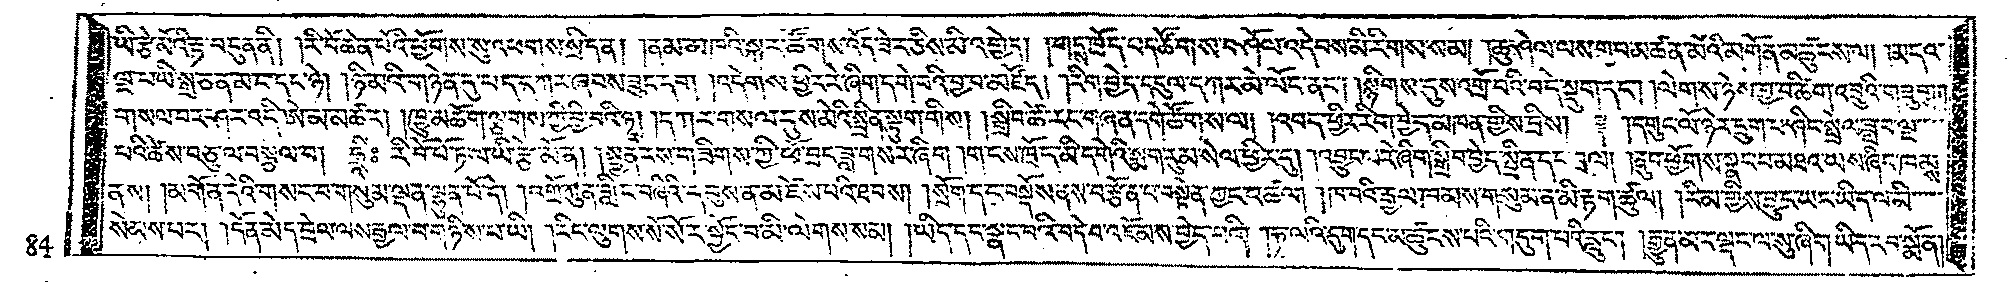ཡི་རྩེ་མོའི་རྟ་བདུན་ནི། །རི་བོ་ཆེན་པོའི་ཕྱོགས་སུ་འཕགས་སྲིད་ན། །ནམ་མཁའི་སྐར་ཚོགས་འོད་ཟེར་ཅིས་མི་འགྱེད། །གངས་ཁྲོད་པད་ཚོགས་བཤོལ་འདེབས་མི་རིགས་སམ། །ཆུ་ཤེལ་ལས་གྲུབ་མཚན་མོའི་མགོན་མཚུངས་ལ། །མདའ་
ལྔ་པ་ཡི་སྒྲ་ཅན་མང་དང་ཉེ། །ཉི་མའི་གཉེན་དུ་པད་དཀར་ཞབས་ཟུང་དག །འདེགས་ཕྱིར་རེ་ཞིག་དགེ་བའི་བྱ་བ་མཛོད། །རིག་བྱེད་དངུལ་དཀར་མེ་ལོང་ནང་། །སྙིགས་དུས་འགྲོ་བའི་བདེ་སྡུག་དང་། །ལེགས་ཉེས་བྱ་བ་ཚིག་འབྲུའི་གཟུགས། །
གསལ་བར་ཤར་འདི་ཨེ་མ་མཚར། །ཁྱུ་མཆོག་ལྕགས་ཀྱི་བྱི་བའི་ཉར། །དཀར་གསལ་དུས་མེའི་སྤྲིན་སྟུག་གིས། །སྒྲིབ་ཚེ་རང་གཞན་དགེ་ཚོགས་ལ། །འབད་ཕྱིར་རིག་བྱེད་མཁན་གྱིས་བྲིས། ༈ །དགུང་ལོ་ཉེར་དྲུག་པ་ཤིང་སྤྲེལ་ཟླ་བ་ལྔ་
པའི་ཚེས་བཅུ་ལ་བསྩལ་བ། ཧྲཱིཿ རི་བོ་པོ་ཏ་ལ་ཡི་རྩེ་མོ་ན། །སྤྱན་རས་གཟིགས་ཀྱི་ཕོ་བྲང་ཟླ་གསར་ཞིག །གངས་ཁྲོད་མི་དགེའི་སྨག་རུམ་སེལ་ཕྱིར་དུ། །འབྱུང་ལ་རེ་ཞིག་སྒྲིབ་བྱེད་སྤྲིན་དང་བྲལ། །ནུབ་ཕྱོགས་སྣང་བ་མཐའ་ཡས་ཞིང་ཁམས་
ནས། །མགོན་དེའི་གསང་བ་གསུམ་ལྡན་ལྷུན་པོ་དེ། །འགྲོ་ཀུན་གླིང་བཞིའི་དབུས་ན་མཛེས་པའི་ཐབས། །སྲོག་དང་བསྡོས་ནས་བརྩོན་པ་བསྟེན་ཀྱང་འཚལ། །ཁ་བའི་རྒྱལ་ཁམས་གསུམ་ན་མི་རྟག་ཚུལ། །རིམ་གྱིས་བྱུང་ཡང་ཡིད་ལ་མི་
སེམས་པར། །དོན་མེད་བྲེལ་ལས་རྒྱལ་བ་གཉིས་པ་ཡི། །རིང་ལུགས་སོ་སོར་སྐྱོང་བ་མི་ལེགས་སམ། །ཡིད་དང་སྣང་བའི་བདེ་བ་འཇོམས་བྱེད་པའི། །ཧ་ལའི་དུག་དང་མཚུངས་པའི་གདུག་པའི་རླུང་། །རྒྱུན་མར་ལྡང་ལ་སུ་ཞིག་ཡིད་རབ་སྨོན།